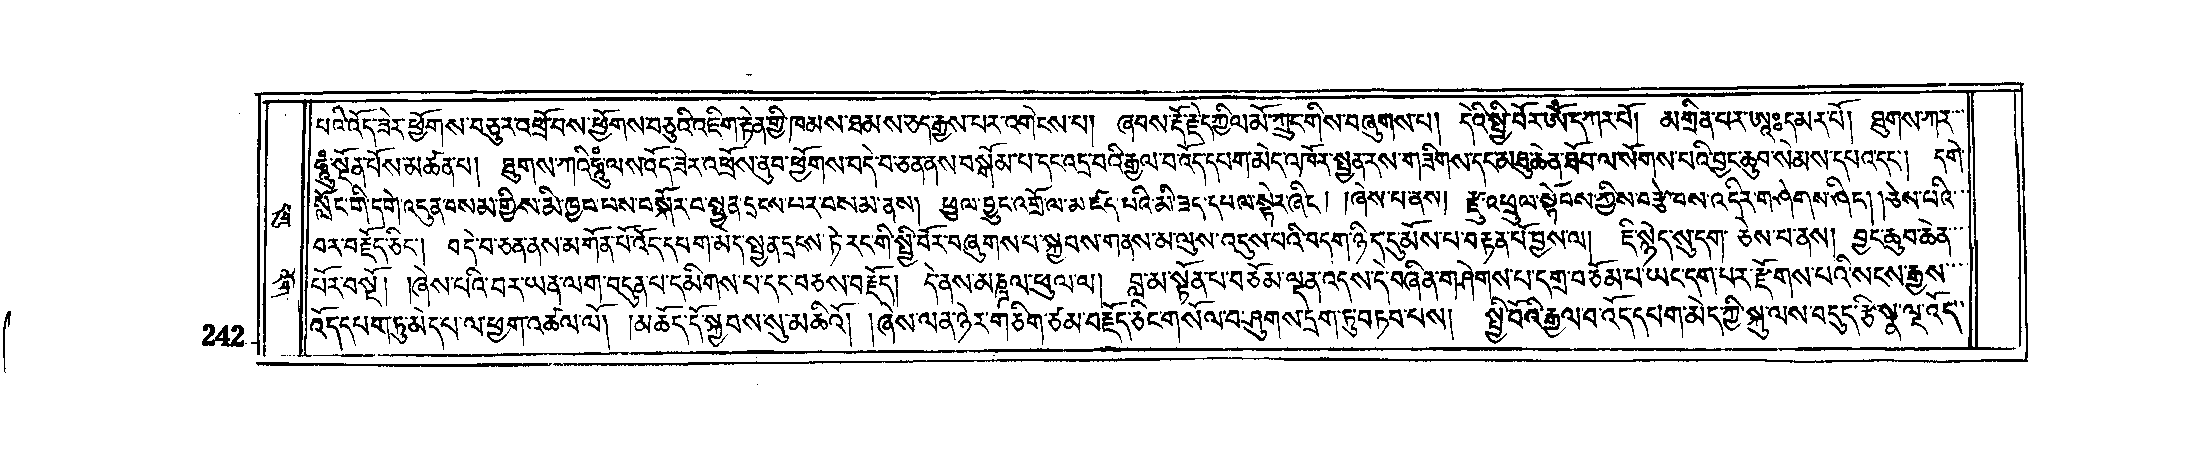པའི་འོད་ཟེར་ཕྱོགས་བཅུར་འཕྲོ་བས་ཕྱོགས་བཅུའི་འཇིག་རྟེན་གྱི་ཁམས་ཐམས་ཅད་རྒྱས་པར་འགེངས་པ། ཞབས་རྡོ་རྗེ་དཀྱིལ་མོ་ཀྲུང་གིས་བཞུགས་པ། དེའི་སྤྱི་བོར་ཨོཾ་དཀར་པོ། མགྲིན་པར་ཨཱཿ དམར་པོ། ཐུགས་ཀར་
ཧཱུཾ་སྔོན་པོས་མཚན་པ། ཐུགས་ཀའི་ཧཱུཾ་ལས་འོད་ཟེར་འཕྲོས་ནུབ་ཕྱོགས་བདེ་བ་ཅན་ནས་བསྒོམ་པ་དང་འདྲ་བའི་རྒྱལ་བ་འོད་དཔག་མེད་འཁོར་སྤྱན་རས་གཟིགས་དང་མཐུ་ཆེན་ཐོབ་ལ་སོགས་པའི་བྱང་ཆུབ་སེམས་དཔའ་དང་། དགེ་
སློང་གི་དགེ་འདུན་བསམ་གྱིས་མི་ཁྱབ་པས་བསྐོར་བ་སྤྱན་དྲངས་པར་བསམ་ནས། ཕྱལ་བྱུང་འགྲོ་ལ་མཛད་པའི་མི་ཟད་དཔལ་སྟེར་ཞིང་། །ཞེས་པ་ནས། རྫུ་འཕྲུལ་སྟོབས་ཀྱིས་བརྩེ་བས་འདིར་གཤེགས་ཤིང་། །ཅེས་པའི་
བར་བརྗོད་ཅིང་། བདེ་བ་ཅན་ནས་མགོན་པོ་འོད་དཔག་མེད་སྤྱན་དྲངས་ཏེ་རང་གི་སྤྱི་བོར་བཞུགས་པ་སྐྱབས་གནས་མ་ལུས་འདུས་པའི་བདག་ཉིད་དུ་མོས་པ་བརྟན་པོ་བྱས་ལ། ཇི་སྙེད་སུ་དག་ཅེས་པ་ནས། བྱང་ཆུབ་ཆེན་
པོར་བསྔོ། །ཞེས་པའི་བར་ཡན་ལག་བདུན་པ་དམིགས་པ་དང་བཅས་བརྗོད། དེ་ནས་མཎྜལ་ཕུལ་ལ། བླ་མ་སྟོན་པ་བཅོམ་ལྡན་འདས་དེ་བཞིན་གཤེགས་པ་དགྲ་བཅོམ་པ་ཡང་དག་པར་རྫོགས་པའི་སངས་རྒྱས་
འོད་དཔག་ཏུ་མེད་པ་ལ་ཕྱག་འཚལ་ལོ། །མཆོད་དོ་སྐྱབས་སུ་མཆིའོ། །ཞེས་ལན་ཉེར་གཅིག་ཙམ་བརྗོད་ཅིང་གསོལ་བ་ཤུགས་དྲག་ཏུ་བཏབ་པས། སྤྱི་བོའི་རྒྱལ་བ་འོད་དཔག་མེད་ཀྱི་སྐུ་ལས་བདུད་རྩི་སྣ་ལྔ་འོད་